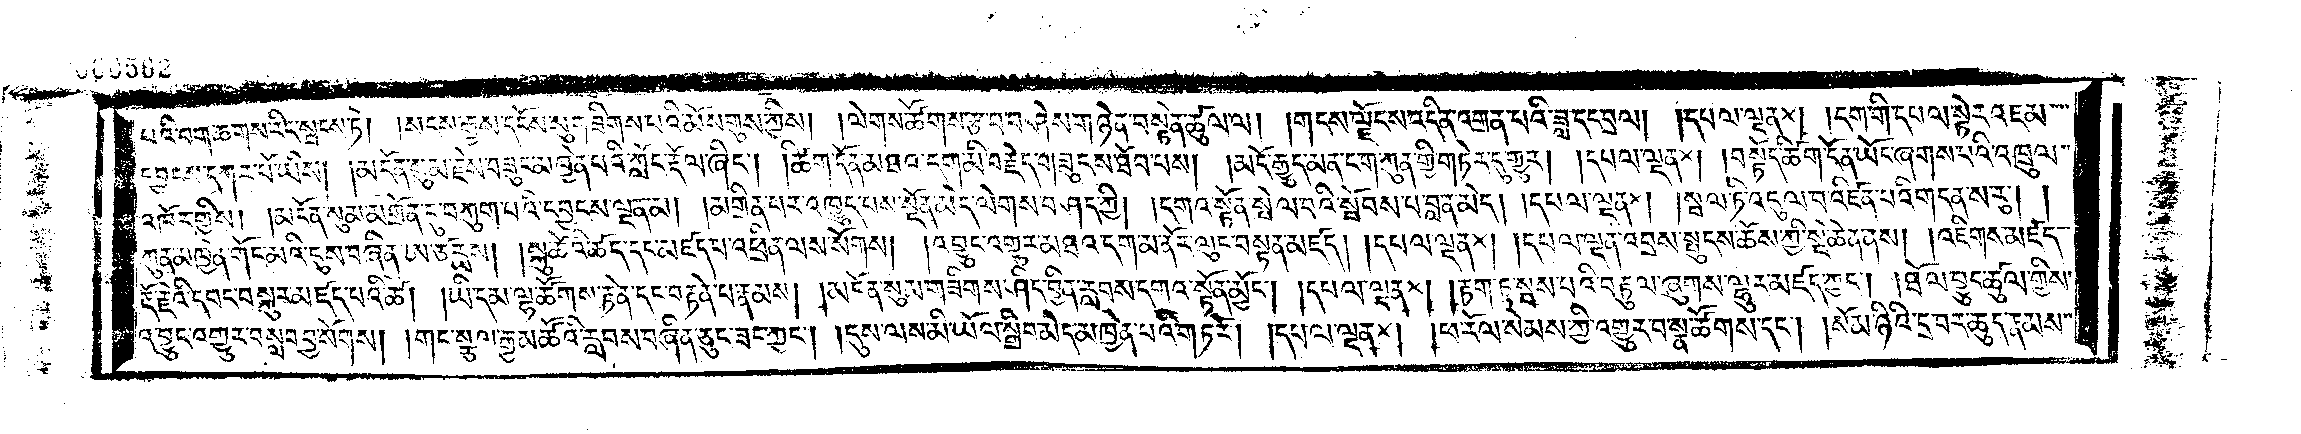པའི་བག་ཆགས་རིང་སྤངས་ཏེ། །སངས་རྒྱས་དངོས་སུ་གཟིགས་པའི་མོས་གུས་ཀྱིས། །ལེགས་ཚོགས་རྩ་བ་བཤེས་གཉེན་བསྟེན་ཚུལ་ལ། །གངས་ལྗོངས་འདི་ན་འགྲན་པའི་ཟླ་དང་བྲལ། །དཔལ་ལྡན་྾། །ངག་གི་དཔལ་སྟེར་འཇམ་
དབྱངས་དཀར་པོ་ཡིས། །མངོན་སུམ་རྗེས་བཟུང་མཁྱེན་པའི་ཀློང་རྡོལ་ཞིང་། །ཚིག་དོན་མཐའ་དག་མི་བརྗེད་གཟུངས་ཐོབ་པས། །མདོ་རྒྱུད་མན་ངག་ཀུན་གྱི་གཏེར་དུ་གྱུར། །དཔལ་ལྡན་྾། །བསྟོད་ཚིག་དོན་ཡོད་ཞགས་པའི་འཁྲུལ་
འཁོར་གྱིས། །མངོན་སུམ་མགྲོན་དུ་བཀུག་པའི་དབྱངས་ལྡན་མ། །མགྲིན་པར་འཁྱུད་པས་སྔོན་མེད་ལེགས་བཤད་ཀྱི། །དགའ་སྟོན་སྤེལ་བའི་སྤོབས་པ་བླ་ན་མེད། །དཔལ་ལྡན་྾། །སྤལ་ཏི་འདུལ་བ་འཛིན་པའི་གདན་ས་རུ། །
ཀུན་མཁྱེན་གོང་མའི་དུས་བཞིན་ཨ་ཙརྱས། །སྐུ་ཚེའི་ཚད་དང་མཛད་པ་འཕྲིན་ལས་སོགས། །འབྱུང་འགྱུར་མཐའ་དག་མ་ནོར་ལུང་བསྟན་མཛད། །དཔལ་ལྡན་྾། །དཔལ་ལྡན་འབྲས་སྤུངས་ཆོས་ཀྱི་སྡེ་ཆེན་ནས། །འཇིགས་མཛད་
རྡོ་རྗེའི་དབང་བསྐུར་མཛད་པའི་ཚེ། །ཡི་དམ་ལྷ་ཚོགས་རྟེན་དང་བརྟེན་པ་རྣམས། །མངོན་སུམ་གཟིགས་ཤིང་བྱིན་རླབས་དགའ་སྟོན་མྱོང་། །དཔལ་ལྡན་྾། །རྟག་ཏུ་སྤས་པའི་བརྟུལ་ཞུགས་ལྷུར་མཛད་ཀྱང་། །ཐོལ་བྱུང་ཚུལ་གྱིས་
འབྱུང་འགྱུར་བསླབ་བྱ་སོགས། །གང་སྩལ་རྒྱ་མཚོའི་རླབས་བཞིན་ཅུང་ཟད་ཀྱང་། །དུས་ལས་མི་ཡོལ་སྒྲིབ་མེད་མཁྱེན་པའི་གཏེར། །དཔལ་ལྡན་྾། །ཕ་རོལ་སེམས་ཀྱི་འགྱུར་བ་སྣ་ཚོགས་དང་། །སོམ་ཉིའི་དྲ་བར་ཆུད་རྣམས་